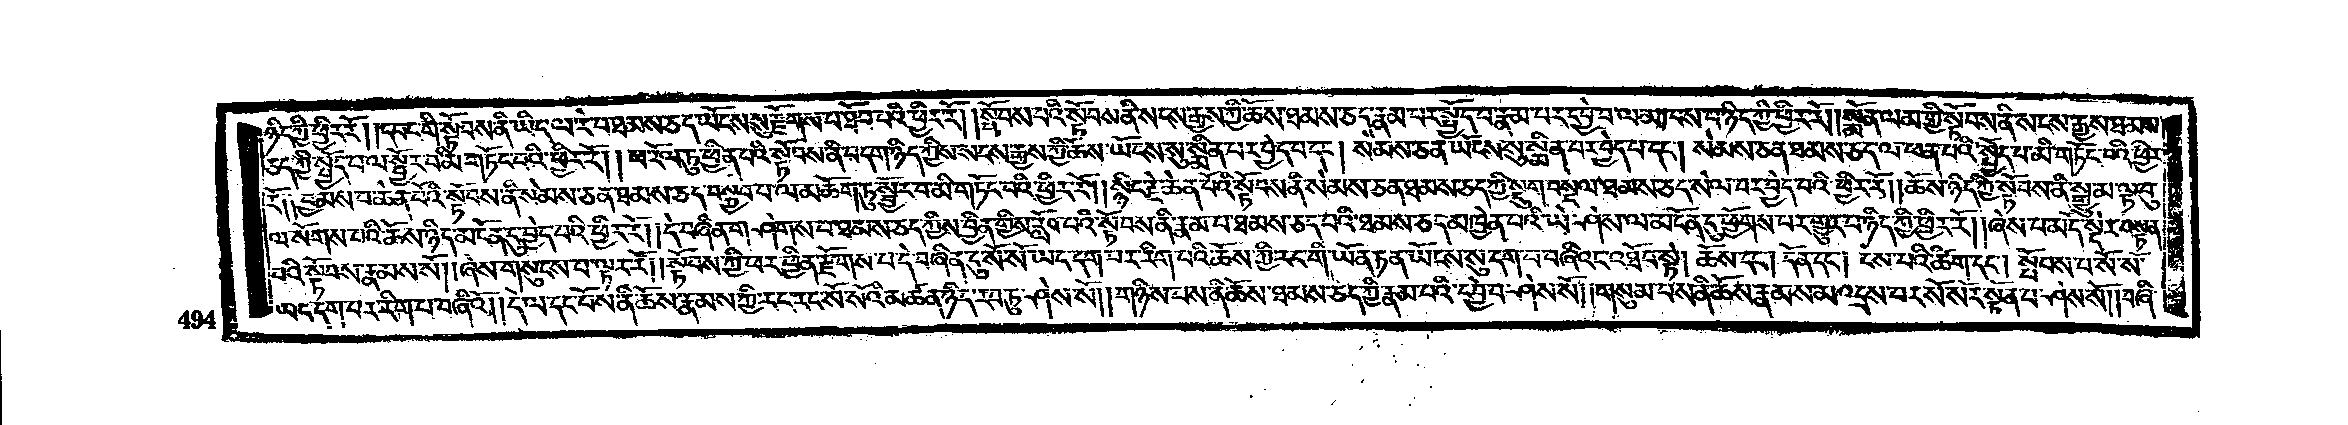ཉིད་ཀྱི་ཕྱིར་རོ། །དབང་གི་སྟོབས་ནི་ཡིད་ལ་རེ་བ་ཐམས་ཅད་ཡོངས་སུ་རྫོགས་པ་ཐོབ་པའི་ཕྱིར་རོ། །སྤོབས་པའི་སྟོབས་ནི་སངས་རྒྱས་ཀྱི་ཆོས་ཐམས་ཅད་རྣམ་པར་སྤྱོད་པ་རྣམ་པར་དབྱེ་བ་ལ་མཁས་པ་ཉིད་ཀྱི་ཕྱིར་རོ། །སྨོན་ལམ་གྱི་སྟོབས་ནི་སངས་རྒྱས་ཐམས་
ཅད་ཀྱི་སྤྱོད་པ་ལ་སྦྱོར་བ་མི་གཏོང་བའི་ཕྱིར་རོ། །ཕ་རོལ་ཏུ་ཕྱིན་པའི་སྟོབས་ནི་བདག་ཉིད་ཀྱིས་སངས་རྒྱས་ཀྱི་ཆོས་ཡོངས་སུ་སྨིན་པར་བྱེད་པ་དང་། སེམས་ཅན་ཡོངས་སུ་སྨིན་པར་བྱེད་པ་དང་། སེམས་ཅན་ཐམས་ཅད་ལ་ཕན་པའི་སྤྱོད་པ་མི་གཏོང་བའི་ཕྱིར་
རོ། །བྱམས་པ་ཆེན་པོའི་སྟོབས་ནི་སེམས་ཅན་ཐམས་ཅད་བསྐྱབ་པ་ལ་མཆོག་ཏུ་སྦྱོར་བ་མི་གཏོང་བའི་ཕྱིར་རོ། །སྙིང་རྗེ་ཆེན་པོའི་སྟོབས་ནི་སེམས་ཅན་ཐམས་ཅད་ཀྱི་སྡུག་བསྔལ་ཐམས་ཅད་སེལ་བར་བྱེད་པའི་ཕྱིར་རོ། །ཆོས་ཉིད་ཀྱི་སྟོབས་ནི་སྒྱུ་མ་ལྟ་བུ་
ལ་སོགས་པའི་ཆོས་ཉིད་མངོན་དུ་བྱེད་པའི་ཕྱིར་རོ། །དེ་བཞིན་གཤེགས་པ་ཐམས་ཅད་ཀྱིས་བྱིན་གྱིས་རློབ་པའི་སྟོབས་ནི་རྣམ་པ་ཐམས་ཅད་པའི་ཐམས་ཅད་མཁྱེན་པའི་ཡེ་ཤེས་ལ་མངོན་དུ་ཕྱོགས་པར་གྱུར་པ་ཉིད་ཀྱི་ཕྱིར་རོ། །ཞེས་པ་མདོ་སྡེར་བསྟན་
པའི་སྟོབས་རྣམས་སོ། །ཞེས་གསུངས་པ་ལྟར་རོ། །སྟོབས་ཀྱི་ཕར་ཕྱིན་རྫོགས་པ་དེ་བཞིན་དུ་སོ་སོ་ཡང་དག་པར་རིག་པའི་ཆོས་ཀྱི་རང་གི་ཡོན་ཏན་ཡོངས་སུ་དག་པ་བཞིའང་འཐོབ་སྟེ། ཆོས་དང་། དོན་དང་། ངེས་པའི་ཚིག་དང་། སྤོབས་པ་སོ་སོ་
ཡང་དག་པར་རིག་པ་བཞིའོ། །དེ་ལ་དང་པོས་ནི་ཆོས་རྣམས་ཀྱི་རང་རང་སོ་སོའི་མཚན་ཉིད་རབ་ཏུ་ཤེས་སོ། །གཉིས་པས་ནི་ཆོས་ཐམས་ཅད་ཀྱི་རྣམ་པའི་དབྱེ་བ་ཤེས་སོ། །གསུམ་པས་ནི་ཆོས་རྣམས་མ་འདྲས་པར་སོ་སོར་སྟོན་པ་ཤེས་སོ། བཞི་